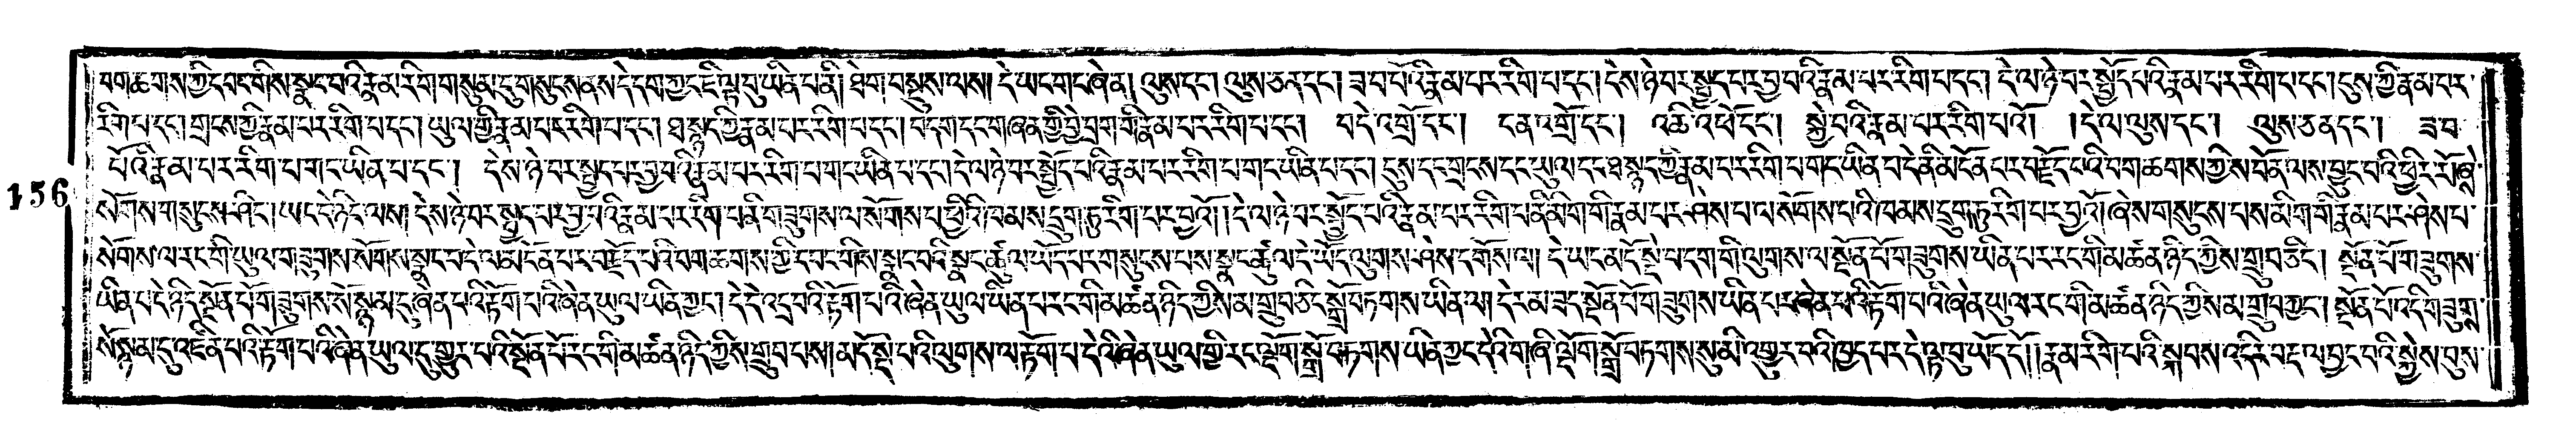བག་ཆགས་ཀྱི་དབང་གིས་སྣང་བའི་རྣམ་རིག་གསུམ་དུ་གསུངས་ནས་དེ་དག་ཀྱང་ཇི་ལྟ་བུ་ཡིན་པ་ནི། ཐེག་བསྡུས་ལས། དེ་ཡང་གང་ཞེ་ན། ལུས་དང་། ལུས་ཅན་དང་། ཟ་བ་པོའི་རྣམ་པར་རིག་པ་དང་། དེས་ཉེ་བར་སྤྱད་པར་བྱ་བའི་རྣམ་པར་རིག་པ་དང་། དེ་ལ་ཉེ་བར་སྤྱོད་པའི་རྣམ་པར་རིག་པ་དང་། དུས་ཀྱི་རྣམ་པར་
རིག་པ་དང་། གྲངས་ཀྱི་རྣམ་པར་རིག་པ་དང་། ཡུལ་གྱི་རྣམ་པར་རིག་པ་དང་། ཐ་སྙད་ཀྱི་རྣམ་པར་རིག་པ་དང་། བདག་དང་གཞན་གྱི་བྱེ་བྲག་གི་རྣམ་པར་རིག་པ་དང་། བདེ་འགྲོ་དང་། ངན་འགྲོ་དང་། འཆི་འཕོ་དང་། སྐྱེ་བའི་རྣམ་པར་རིག་པའོ། །དེ་ལ་ལུས་དང་། ལུས་ཅན་དང་། ཟ་བ་
པོའི་རྣམ་པར་རིག་པ་གང་ཡིན་པ་དང་། དེས་ཉེ་བར་སྤྱད་པར་བྱ་བའི་རྣམ་པར་རིག་པ་གང་ཡིན་པ་དང་། དེ་ལ་ཉེ་བར་སྤྱོད་པའི་རྣམ་པར་རིག་པ་གང་ཡིན་པ་དང་། དུས་དང་གྲངས་དང་ཡུལ་དང་ཐ་སྙད་ཀྱི་རྣམ་པར་རིག་པ་གང་ཡིན་པ་དེ་ནི་མངོན་པར་བརྗོད་པའི་བག་ཆགས་ཀྱི་ས་བོན་ལས་བྱུང་བའི་ཕྱིར་རོ། ཞེས་
སོགས་གསུངས་ཤིང་། ཡང་དེ་ཉིད་ལས། དེས་ཉེ་བར་སྤྱད་པར་བྱ་བའི་རྣམ་པར་རིག་པ་ནི་གཟུགས་ལ་སོགས་པ་ཕྱིའི་ཁམས་དྲུག་ཏུ་རིག་པར་བྱའོ། །དེ་ལ་ཉེ་བར་སྤྱོད་པའི་རྣམ་པར་རིག་པ་ནི་མིག་གི་རྣམ་པར་ཤེས་པ་ལ་སོགས་པའི་ཁམས་དྲུག་ཏུ་རིག་པར་བྱའོ། ཞེས་གསུངས་པས་མིག་གི་རྣམ་པར་ཤེས་པ་
སོགས་ལ་རང་གི་ཡུལ་གཟུགས་སོགས་སྣང་བདེ་ལ་མངོན་པར་བརྗོད་པའི་བག་ཆགས་ཀྱི་དབང་གིས་སྣང་བའི་སྣང་ཚུལ་ཡོད་པར་གསུངས་པས་སྣང་ཚུལ་དེ་ཡོད་ལུགས་ཤེས་དགོས་ལ། དེ་ཡང་མདོ་སྡེ་བདག་གི་ལུགས་ལ་སྔོན་པོ་གཟུགས་ཡིན་པར་རང་གི་མཚན་ཉིད་ཀྱིས་གྲུབ་ཅིང་། སྔོན་པོ་གཟུགས་
ཡིན་པ་དེ་ཉིད་སྔོན་པོ་གཟུགས་སོ་སྙམ་དུ་ཞེན་པའི་རྟོག་པའི་ཞེན་ཡུལ་ཡིན་ཀྱང་། དེ་དེ་འདྲ་བའི་རྟོག་པའི་ཞེན་ཡུལ་ཡིན་པ་རང་གི་མཚན་ཉིད་ཀྱིས་མ་གྲུབ་ཅིང་སྒྲོ་བཏགས་ཡིན་ལ། དེར་མ་ཟད་སྔོན་པོ་གཟུགས་ཡིན་པར་ཞེན་པའི་རྟོག་པའི་ཞེན་ཡུལ་རང་གི་མཚན་ཉིད་ཀྱིས་མ་གྲུབ་ཀྱང་། སྔོན་པོ་འདི་གཟུགས་
སོ་སྙམ་དུ་འཛིན་པའི་རྟེག་པའི་ཞེན་ཡུལ་དུ་གྱུར་པའི་སྔོན་པོ་རང་གི་མཚན་ཉིད་ཀྱིས་གྲུབ་པས། མདོ་སྡེ་པའི་ལུགས་ལ་རྟོག་པ་དེའི་ཞེན་ཡུལ་གྱི་རང་ལྡོག་སྒྲོ་བཏགས་ཡིན་ཀྱང་དེའི་གཞི་ལྡོག་སྒྲོ་བཏགས་སུ་མི་འགྱུར་བའི་ཁྱད་པར་དེ་ལྟ་བུ་ཡོད་དོ། །རྣམ་རིག་པའི་སྐབས་འདིར་བརྡ་ལ་བྱང་བའི་སྐྱེས་བུས་